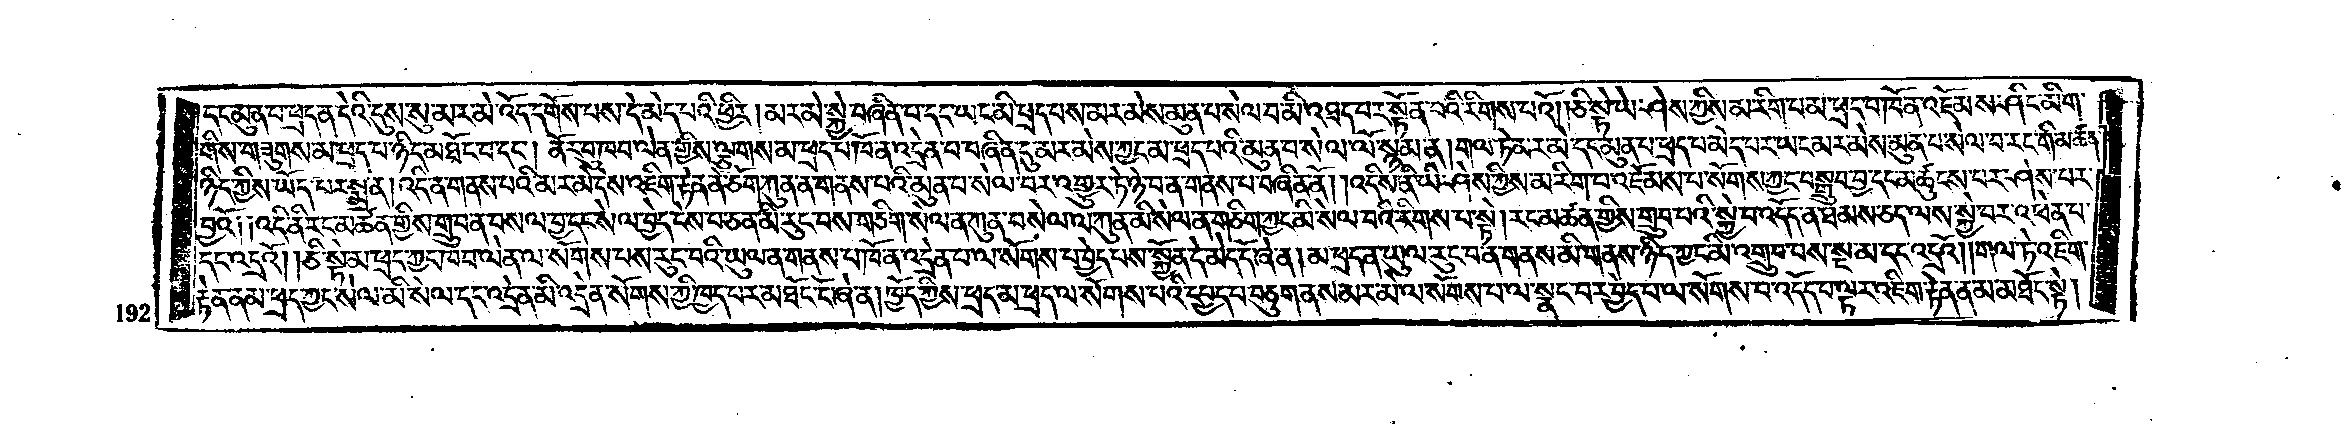དང་མུན་པ་ཕྲད་ན་དེའི་དུས་སུ་མར་མེ་འོད་དགོས་པས་དེ་མེད་པའི་ཕྱིར། མར་མེ་སྐྱེ་བཞིན་པ་དང་ཡང་མི་ཕྲད་པས་མར་མེས་མུན་པ་སེལ་པ་མི་འཐད་པར་སྟོན་པའི་རིགས་པའོ། །ཅི་སྟེ་ཡེ་ཤེས་ཀྱིས་མ་རིག་པ་མ་ཕྲད་པ་ཁོ་ན་འཇོམས་ཤིང་མིག་
གིས་གཟུགས་མ་ཕྲད་པ་ཉིད་མཐོང་པ་དང་། ནོར་བུ་ཁབ་ལེན་གྱིས་ལྕགས་མ་ཕྲད་པ་ཁོ་ན་འདྲེན་པ་བཞིན་དུ་མར་མེས་ཀྱང་མ་ཕྲད་པའི་མུན་པ་སེལ་ལོ་སྙམ་ན། གལ་ཏེ་མར་མེ་དང་མུན་པ་ཕྲད་པ་མེད་པར་ཡང་མར་མེས་མུན་བ་སེལ་བ་རང་གི་མཚན་
ཉིད་ཀྱིས་ཡོད་པ?་སྨྲིན། འདི་ནི་གནས་པའི་མར་མེ་དེས་འཇིག་རྟེན་ནེ་ཅོག་ཀུན་ན་གནས་པའི་མུན་པ་སེལ་བར་འགྱུར་ཏེ་ཉེ་བ་ན་གནས་པ་བཞིན་ནོ། །འདིས་ན་ཡེ་ཤེས་ཀྱིས་མ་རིག་པ་འཇོམས་པ་སོགས་ཀྱང་བསྒྲུབ་བྱ་དང་མཚུངས་པར་ཤེས་པར་
བྱའོ། །འདི་ནི་རང་མཚན་གྱིས་གྲུབ་ན་བསལ་བྱ་དང་སེལ་བྱེད་ངེས་པ་ཅན་མི་རུང་བས་གཅིག་སེལ་ན་ཀུན་སེལ་ལ་ཀུན་མི་སེལ་ན་གཅིག་ཀྱང་མི་སེལ་བའི་རིགས་པ་སྟེ། རང་མཚན་གྱིས་གྲུབ་པའི་སྐྱེ་བ་འདོད་ན་ཐམས་ཅད་ལས་སྐྱེ་བར་འཕེན་པ་
དང་འདྲའོ། །ཅི་སྟེ་མ་ཕྲད་ཀྱང་ཁབ་ལེན་ལ་སོགས་པས་རུང་པའི་ཡུལ་ན་གནས་པ་ཁོ་ན་འདྲེན་པ་ལ་སོགས་པ་བྱེད་པས་སྐྱོན་དེ་མེད་དོ་ཞེ་ན། མ་ཕྲད་ན་ཡུལ་རུང་པ་ན་གནས་མི་གནས་ཉིད་ཀྱང་མི་འགྲུབ་པས་སྔ་མ་དང་འདྲའོ། །གལ་ཏེ་འཇིག་
རྟེན་ནམ་ཕྲད་ཀྱང་སེལ་མི་སེལ་དང་འདྲེན་མི་འདྲེན་སོགས་ཀྱི་ཁྱད་པར་མཐོང་ངོ་ཞེ་ན། ཁྱོད་ཀྱིས་ཕྲད་མ་ཕྲད་ལ་སོགས་པའི་དཔྱད་པ་བཅུག་ནས་མེར་མེ་ལ་སོགས་པ་ལ་སྣང་བར་བྱེད་པ་ལ་སོགས་པ་འདོད་པ་ལྟར་འཇིག་རྟེན་ན་མ་མཐོང་སྟེ།